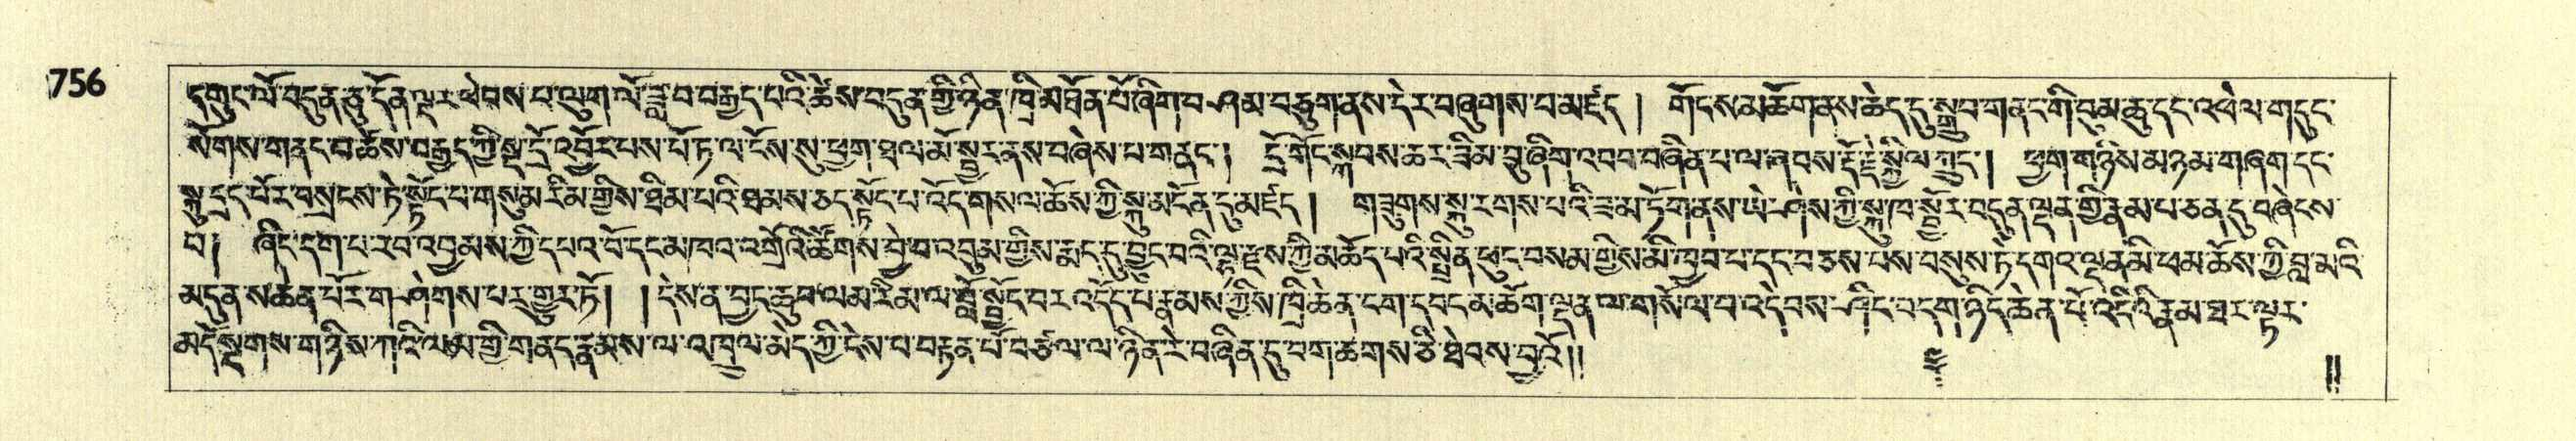དགུང་ལོ་བདུན་ཅུ་དོན་ལྡར་ཕེབས་པ་ལུག་ལོ་ཟླ་བ་བརྒྱད་པའི་ཚེས་བདུན་གྱི་ཉིན་ཁྲི་མཐོན་པོ་ཞིག་བཤམ་བཅུག་ནས་དེར་བཞུགས་པ་མཛད། གོང་ས་མཆོག་ནས་ཆེད་དུ་སྒྲུབ་གནང་གི་བུམ་ཆུ་དང་འཕེལ་གདུང་
སོགས་གནང་བ་ཚེས་བརྒྱད་ཀྱི་སྔ་དྲོ་འབྱོར་པས་པོ་ཏ་ལ་ངོས་སུ་ཕྱག་ཐལ་མོ་སྦྱར་ནས་བཞེས་པ་གནང་། དྲོ་གོང་སྐབས་ཆར་ཟིམ་བུ་ཞིག་འབབ་བཞིན་པ་ལ་ཞབས་རྡོ་རྗེ་སྐྱིལ་ཀྲུང་། ཕྱག་གཉིས་མཉམ་གཞག་དང་
སྐུ་དྲད་པོར་བསྲངས་ཏེ་སྟོང་པ་གསུམ་རིམ་གྱིས་ཐིམ་པའི་ཐམས་ཅད་སྟོང་པ་འོད་གསལ་ཆོས་ཀྱི་སྐུ་མངོན་དུ་མཛད། གཟུགས་སྐུ་རགས་པའི་ཟ་མ་ཏོག་ནས་ཡེ་ཤེས་ཀྱི་སྐུ་ཁ་སྦྱོར་བདུན་ལྡན་གྱི་རྣམ་པ་ཅན་དུ་བཞེངས་
བ༑ ཞིང་དག་པ་རབ་འབྱམས་ཀྱི་དཔའ་བོ་དང་མཁའ་འགྲོའི་ཚོགས་བྱེ་བ་འབུམ་གྱིས་རྨད་དུ་བྱུང་བའི་ལྷ་རྫས་ཀྱི་མཆོད་པའི་སྤྲིན་ཕུང་བསམ་གྱིས་མི་ཁྱབ་པ་དང་བཅས་པས་བསུས་ཏེ་དགའ་ལྡན་མི་ཕམ་ཆོས་ཀྱི་བླ་མའི་
མདུན་ས་ཆེན་པོར་གཤེགས་པར་གྱུར་ཏོ། །དེས་ན་བྱང་ཆུབ་ལམ་རིམ་ལ་བློ་སྦྱོང་བར་འདོད་པ་རྣམས་ཀྱིས་ཁྲི་ཆེན་ངག་དབང་མཆོག་ལྡན་ལ་གསོལ་བ་འདེབས་ཤིང་བདག་ཉིད་ཆེན་པོ་འདིའི་རྣམ་ཐར་ལྟར་
མདོ་སྔགས་གཉིས་ཀའི་ལམ་གྱི་གནད་རྣམས་ལ་འཁྲུལ་མེད་ཀྱི་ངེས་པ་བརྟན་པོ་བཙལ་ལ་ཉིན་རེ་བཞིན་དུ་བག་ཆགས་ཅི་ཐེབས་བྱའོ།། ༈ །།